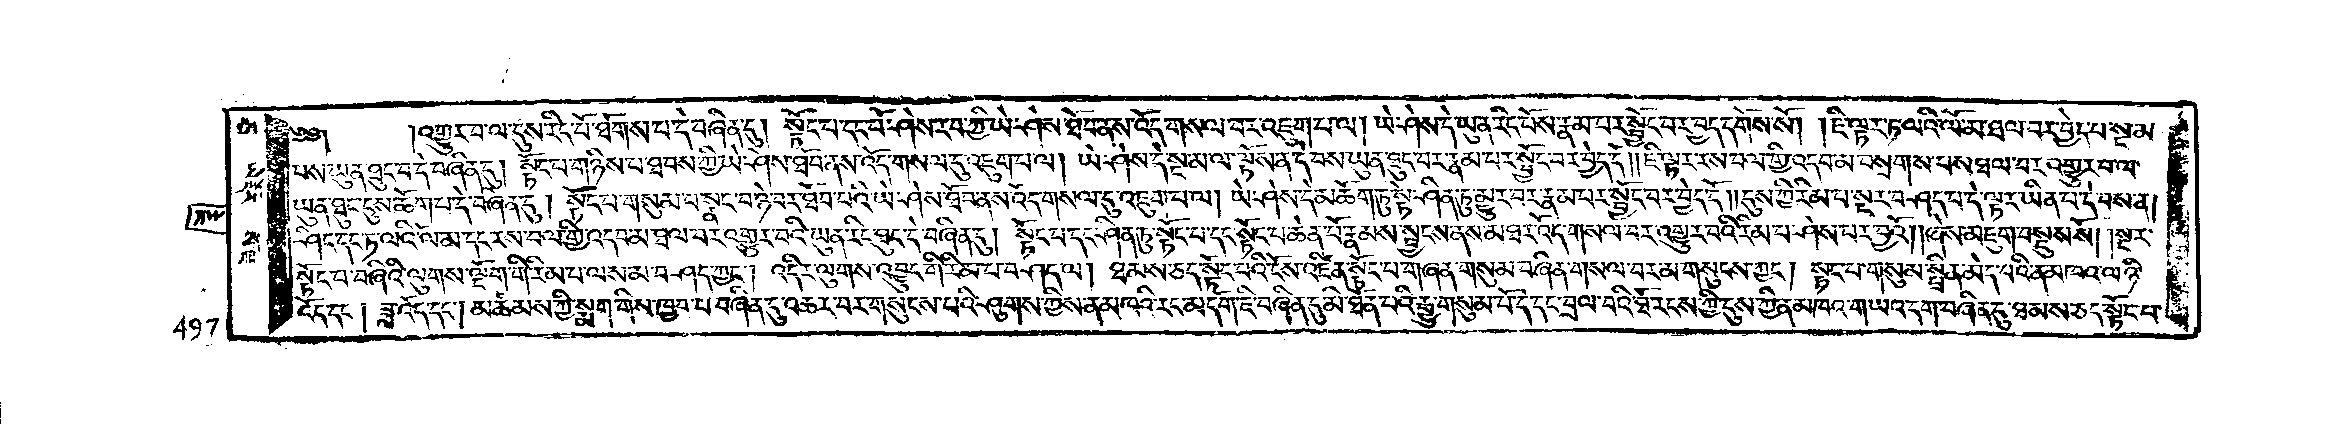༄༅། །འགྱུར་བ་ལ་དུས་རིང་པོ་ཐོགས་པ་དེ་བཞིན་དུ། སྟོང་པ་དང་པོ་ཤེས་རབ་ཀྱི་ཡེ་ཤེས་ཐོབ་ནས་འོད་གསལ་བར་འཇུག་པ་ལ། ཡེ་ཤེས་དེ་ཡུན་རིང་པོས་རྣམ་པར་སྦྱོང་བར་བྱེད་དགོས་སོ། །ཇི་ལྟར་ཏ་ལའི་ལོ་མ་ཐལ་བར་བྱེད་པ་སྔ་མ་
བས་ཡུན་ཐུང་བ་དེ་བཞིན་དུ། སྟོང་པ་གཉིས་པ་ཐབས་ཀྱི་ཡེ་ཤེས་ཐོབ་ནས་འོད་གསལ་དུ་འཇུག་པ་ལ། ཡེ་ཤེས་དེ་སྔ་མ་ལ་ལྟོས་ན་དེ་བས་ཡུན་ཐུང་བར་རྣམ་པར་སྦྱོང་བར་བྱེད་དོ། །ཇི་ལྟར་རས་བལ་གྱི་འདབ་མ་བསྲེགས་པས་ཐལ་བར་འགྱུར་བ་ལ་
ཡུན་ཐུང་ངུས་ཆོག་པ་དེ་བཞིན་དུ། སྟོང་པ་གསུམ་པ་སྣང་བ་ཉེ་བར་ཐོབ་པའི་ཡེ་ཤེས་ཐོབ་ནས་འོད་གསལ་དུ་འཇུག་པ་ལ། ཡེ་ཤེས་དེ་མཆོག་ཏུ་སྟེ་ཤིན་ཏུ་མྱུར་བར་རྣམ་པར་སྦྱོང་བར་བྱེད་དོ། །དུས་ཀྱི་རིམ་པ་སྔར་བཤད་པ་དེ་ལྟར་ཡིན་པ་དེ་བས་ན།
ཤིང་དང་ཏ་ལའི་ལོ་མ་དང་རས་བལ་གྱི་འདབ་མ་ཐལ་བར་འགྱུར་བའི་ཡུན་རིང་ཐུང་དེ་བཞིན་དུ། སྟོང་པ་དང་ཤིན་ཏུ་སྟོང་པ་དང་སྟོང་པ་ཆེན་པོ་རྣམས་སྦྱངས་ནས་མཐར་འོད་གསལ་བར་འགྱུར་བའི་རིམ་པ་ཤེས་པར་བྱའོ། །ཞེས་མཇུག་བསྡུས་སོ། །སྔར་
སྟོང་པ་བཞིའི་ལུགས་ལྡོག་གི་རིམ་པ་ལས་མ་བཤད་ཀྱང་། འདིར་ལུགས་འབྱུང་གི་རིམ་པ་བཤད་ལ། ཐམས་ཅད་སྟོང་པའི་ངོས་འཛིན་སྟོང་པ་གཞན་གསུམ་བཞིན་གསལ་བར་མ་གསུངས་ཀྱང་། སྟོང་པ་གསུམ་སྤྲིན་མེད་པའི་ནམ་མཁའ་ལ་ཉི་
འོད་དང་། ཟླ་འོད་དང་། མཚམས་ཀྱི་སྨག་གིས་ཁྱབ་པ་བཞིན་དུ་འཆར་བར་གསུངས་པའི་ཤུགས་ཀྱིས་ནམ་མཁའི་རང་མདོག་ཇི་བཞིན་དུ་མི་ཐོན་པའི་རྒྱུ་གསུམ་པོ་དེ་དང་བྲལ་བའི་ཐོ་རངས་ཀྱི་དུས་ཀྱི་ནམ་མཁའ་གཡའ་དག་བཞིན་དུ་ཐམས་ཅད་སྟོང་པ་